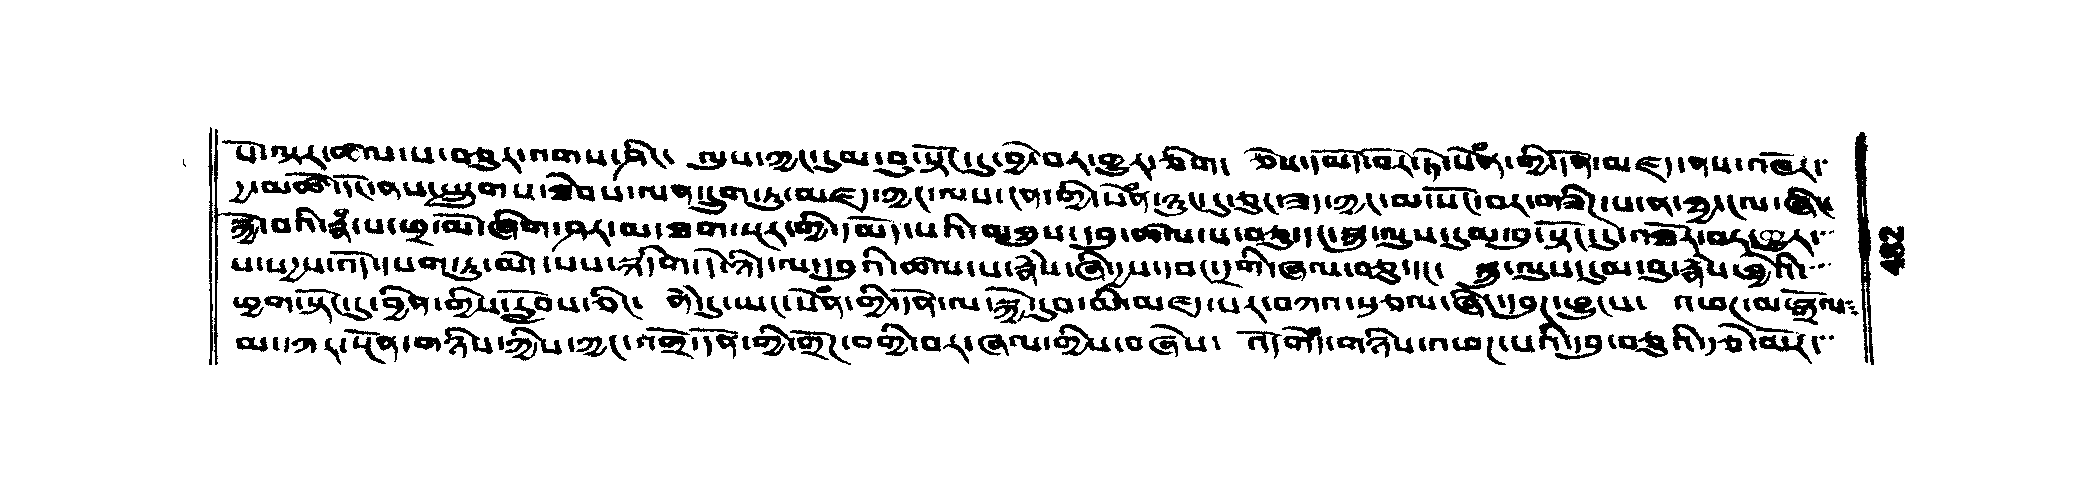པོ་ལྟར་ཚལ་བ་བཅུར་འགས་ཤིང་། ལུས་ཀྱང་དུམ་བུ་སྟོང་དུ་བྱེ་བར་གྱུར་ཅིག ཅེས་དམོད་བོར་ཏེ་སེམས་ཅན་གྱི་དོན་མཛད་ནས་འཁོར་
རྒྱ་མཚོ་དོང་ནས་སྤྲུགས་ཐེངས་ལན་དྲུག་མཛད་ཀྱང་ལས་ངན་གྱི་སེམས་ཅན་ཉུང་དུ་ཅུང་ཟད་ཀྱང་མ་སོང་བར་གཟིགས་པ་ན་ཐུགས་ངལ་ཞིང་
སྐྱོ་བའི་རྣམ་པ་ཕྲ་མོ་ཞིག་ཤར་མ་ཐག་སྔར་གྱི་དམོད་པའི་མཐུས་དབུ་ཚལ་བ་བཅུ་དང་སྐུ་ལུས་དུམ་བུ་སྟོང་དུ་འཐོར་བར་གྱུར་
པ་སངས་རྒྱས་འོད་དཔག་ཏུ་མེད་པས་སྐད་ཅིག་དེ་ཉིད་ལ་དབུའི་ཚལ་བ་རྣམས་ཞི་རྒྱས་དབང་དྲག་གི་ཞལ་བཅུ་དང་། སྐུ་ལུས་དུམ་བུ་རྣམས་ཐུགས་རྗེའི་
ཕྱག་སྟོང་དུ་བྱིན་གྱིས་རློབས་ཤིང་། ནམ་དུ་ཡང་སེམས་ཅན་གྱི་དོན་ལ་སྐྱོ་དུབ་མི་མཛད་པར་བཀའ་སྩལ་ཞིང་དབུགས་ཕྱུངས། འཕགས་མ་སྒྲོལ་
མ་དཀར་སྔོན་གཉིས་ཀྱིས་ཀྱང་འགྲོ་དོན་གྱི་གྲོགས་བགྱི་བར་ཞལ་གྱིས་བཞེས། འོད་དཔག་མེད་ཉིད་འཕགས་པའི་དབུ་བཅུའི་རྩེ་མོར་